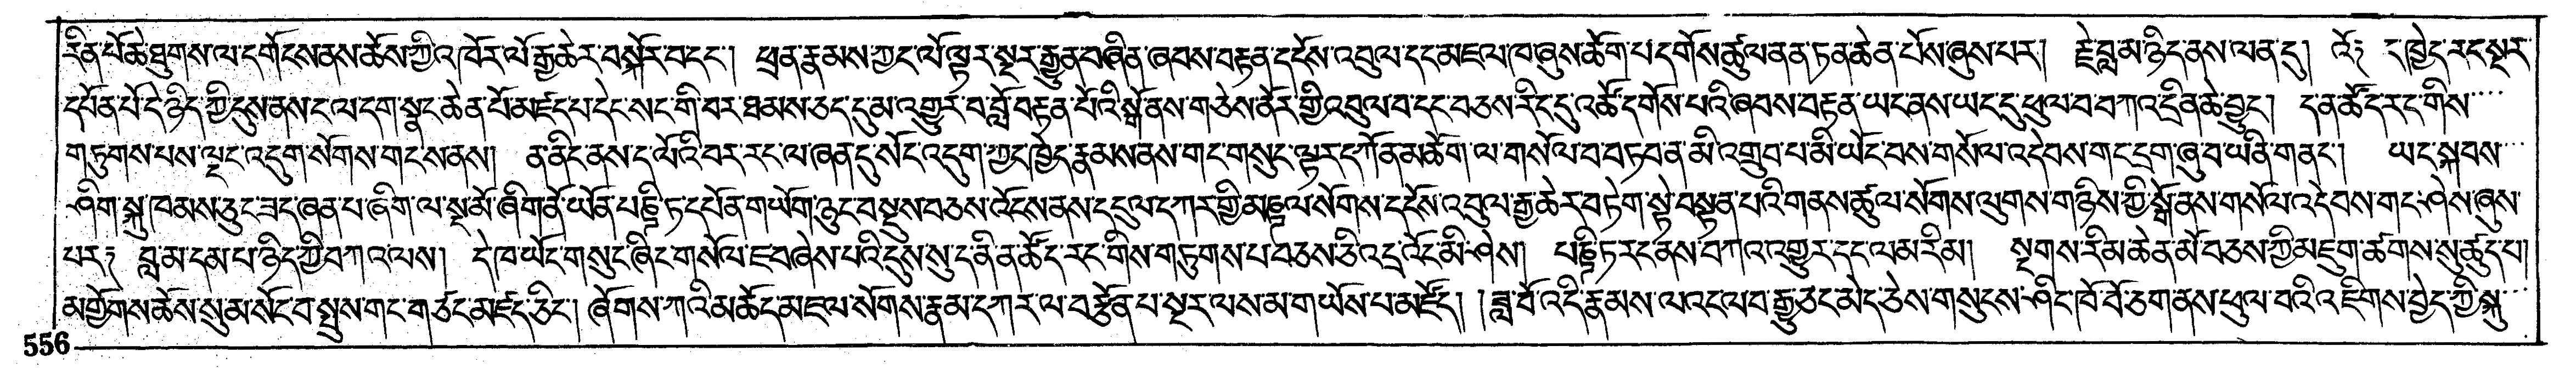རིན་པོ་ཆེ་ཐུགས་ལ་དགོངས་ནས་ཆོས་ཀྱི་འཁོར་ལོ་རྒྱ་ཆེར་བསྐོར་བ་དང་། ཕྲན་རྣམས་ཀྱང་ལོ་ལྟར་སྔར་རྒྱུན་བཞིན་ཞབས་བརྟན་དངོས་འབུལ་དང་མཇལ་ཁ་ཞུས་ཆོག་པ་དགོས་ཚུལ་ནན་ཏན་ཆེན་པོས་ཞུས་པར། རྗེ་བླ་མ་ཉིད་ནས་ལན་དུ། འོ༑ དེ་ཁྱེད་རང་སྔར་
དཔོན་པོ་དེ་ཉིད་ཀྱི་དུས་ནས་ང་ལ་དག་སྣད་ཆེན་པོ་མཛད་པ་དེང་སེང་གི་བར་ཐམས་ཅད་དུ་མ་འགྱུར་བ་བློ་བརྟན་པོའི་སྒོ་ནས་གཅེས་ནོར་གྱི་འབུལ་བ་དང་བཅས་རིང་དུ་འཚོ་དགོས་པའི་ཞབས་བརྟན་ཡང་ནས་ཡང་དུ་ཕུལ་བཀའ་དྲིན་ཆེ་བྱུང་། ད་ན་ཚོད་རང་གིས་
གཏུགས་པས་ལྡང་འདུག་སོགས་གང་ས་ནས། ན་ནིང་ནས་ད་ལོའི་བར་རང་ལ་ཞན་དུ་སོང་འདུག་ཀྱང་ཁྱེད་རྣམས་ནས་གང་གསུང་ལྟར་དཀོན་མཆོག་ལ་གསོལ་བ་བཏབ་ན་མི་འགྲུབ་པ་མི་ཡོང་བས་གསོལ་འདེབས་གང་དྲག་ཞུ་བ་ཡིན་གནང་། ཡང་སྐབས་
ཤིག་སྐུ་ཁམས་ཅུང་ཟད་ཞན་པ་ཞིག་ལ་སྔ་མོ་ཞིག་ནོ་ཡོན་པཎྜི་ཏ་དཔོན་གཡོག་ཉུང་བསྡུས་བཅས་འོངས་ནས་དངུལ་དཀར་གྱི་མཎྜལ་སོགས་དངོས་འབུལ་རྒྱ་ཆེར་བཏེག་སྟེ་བསྟན་པའི་གནས་ཚུལ་སོགས་ལུགས་གཉིས་ཀྱི་སྒོ་ནས་གསོལ་འདེབས་གང་ཤེས་ཞུས་
པར༑ བླ་མ་དམ་པ་ཉིད་ཀྱི་བཀའ་ལས། དེ་ཁ་ཡོང་གསུང་ཞིང་གསོལ་ཇ་བཞེས་པའི་དུས་སུ་ད་ནི་ན་ཆོད་རང་གིས་གཏུགས་པ་བཅས་ཅི་འདྲ་འོང་མི་ཤེས། པཎྜི་ཏ་རང་ནས་བཀའ་འགྱུར་དང་ལམ་རིམ། སྔགས་རིམ་ཆེན་མོ་བཅས་ཀྱི་མཇུག་ཚགས་སུ་ཚུད་པ།
མགྱོགས་ཆོས་སུམ་སོང་བ་སྤུས་གང་གཙང་མཛད་ཅིང་། ཞོགས་ཀའི་མཆོད་མཇལ་སོགས་རྣམ་དཀར་ལ་བརྩོན་པ་སྡར་ལས་མ་གཡོས་པ་མཛོད། ཟླ་བོ་འདི་རྣམས་ལའང་ལ་བ་རྒྱུ་ཅད་མེད་ཅེས་གསུངས་ཤིང་ཁོ་བོ་ཅག་ནས་ཕུལ་བའི་འཇིགས་བྱིད་ཀྱི་སྐུ་